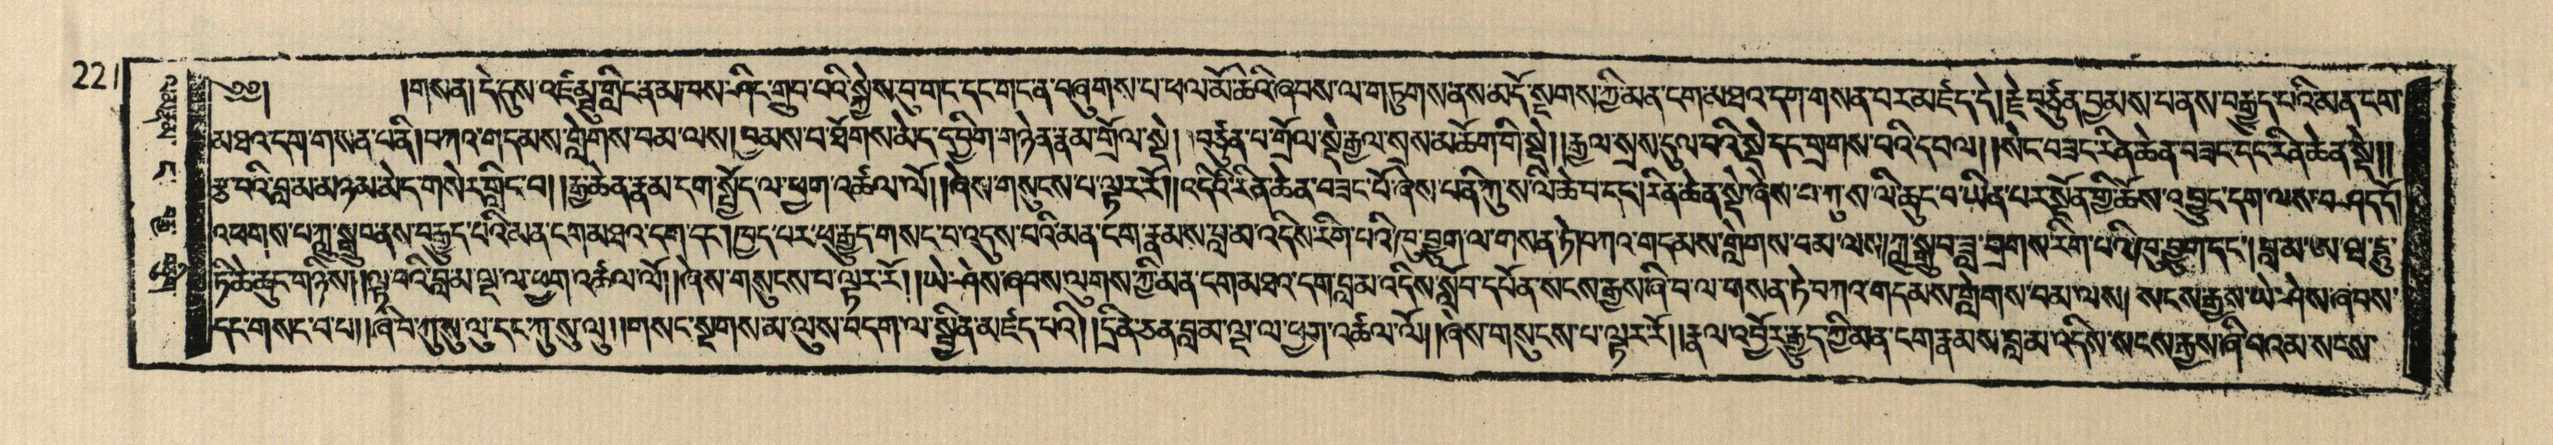༄༅། །གསན། དེ་དུས་འཛམྦུ་གླིང་ན་མཁས་ཤིང་གྲུབ་པའི་སྐྱེས་བུ་གང་དང་གང་ན་བཞུགས་པ་ཕལ་མོ་ཆེའི་ཞབས་ལ་གཏུགས་ནས་མདོ་སྔགས་ཀྱི་མན་ངག་མཐའ་དག་གསན་པར་མཛད་དེ། རྗེ་བཙུན་བྱམས་པ་ནས་བརྒྱུད་པའི་མན་ངག་
མཐའ་དག་གསན་པ་ནི། བཀའ་གདམས་གླེགས་བམ་ལས། བྱམས་པ་ཐོགས་མེད་དབྱིག་གཉེན་རྣམ་གྲོལ་སྡེ། །བཙུན་པ་གྲོལ་སྡེ་རྒྱལ་སྲས་མཆོག་གི་སྡེ། །རྒྱལ་སྲས་དུལ་བའི་སྡེ་དང་གྲགས་པའི་དཔལ། །སེང་བཟང་རིན་ཆེན་བཟང་དང་རིན་ཆེན་སྡེ།།
རྩ་བའི་བླ་མ་མཉམ་མེད་གསེར་གླིང་བ། །རྒྱ་ཆེན་རྣམ་དག་སྦྱོད་ལ་ཕྱག་འཚལ་ལོ། །ཞེས་གསུངས་པ་ལྟར་རོ། །འདིའི་རིན་ཆེན་བཟང་པོ་ཞེས་པ་ནི་ཀུ་ས་ལི་ཆེ་བ་དང་། རིན་ཆེན་སྡེ་ཞེས་པ་ཀུ་ས་ལི་ཆུང་བ་ཡིན་བར་སྔོན་གྱི་ཆོས་འབྱུང་དག་ལས་བཤད་དོ།
འཕགས་པ་ཀླུ་སྒྲུབ་ནས་བརྒྱུད་པའི་མན་ངག་མཐའ་དག་དང་། ཁྱད་པར་ཕ་རྒྱུད་གསང་བ་འདུས་པའི་མན་ངག་རྣམས་བླ་མ་འདིས་རིག་པའི་ཁུ་བྱུག་ལ་གསན་ཏེ། བཀའ་གདམས་གླེགས་བམ་ལས། ཀླུ་སྒྲུབ་ཟླ་གྲགས་རིག་པའི་ཁུ་བྱུག་དང་། བླ་མ་ཨ་ཝ་དྷུ་
ཏི་ཆེ་ཆུང་གཉིས། །ལྟ་བའི་བླ་མ་ལྔ་ལ་ཕྱག་འཚལ་ལོ། །ཞེས་གསུངས་པ་ལྟར་རོ། །ཡེ་ཤེས་ཞབས་ལུགས་ཀྱི་མན་ངག་མཐའ་དག་བླ་མ་འདིས་སློབ་དཔོན་སངས་རྒྱས་ཞི་བ་ལ་གསན་ཏེ་བཀའ་གདམས་གླེགས་བམ་ལས། སངས་རྒྱས་ཡེ་ཤེས་ཞབས་
དང་གསང་བ་པ། །ཞི་བ་ཀུ་སུ་ལུ་དང་ཀུ་སུ་ལུ། །གསང་སྔགས་མ་ལུས་བདག་ལ་སྦྱིན་མཛད་པའི། །དྲིན་ཅན་བླ་མ་ལྔ་ལ་ཕྱག་འཚལ་ལོ། །ཞེས་གསུངས་པ་ལྟར་རོ། །རྣལ་འབྱོར་རྒྱུད་ཀྱི་མན་ངག་རྣམས་བླ་མ་འདིས་སངས་རྒྱས་ཞི་བའམ་སངས་